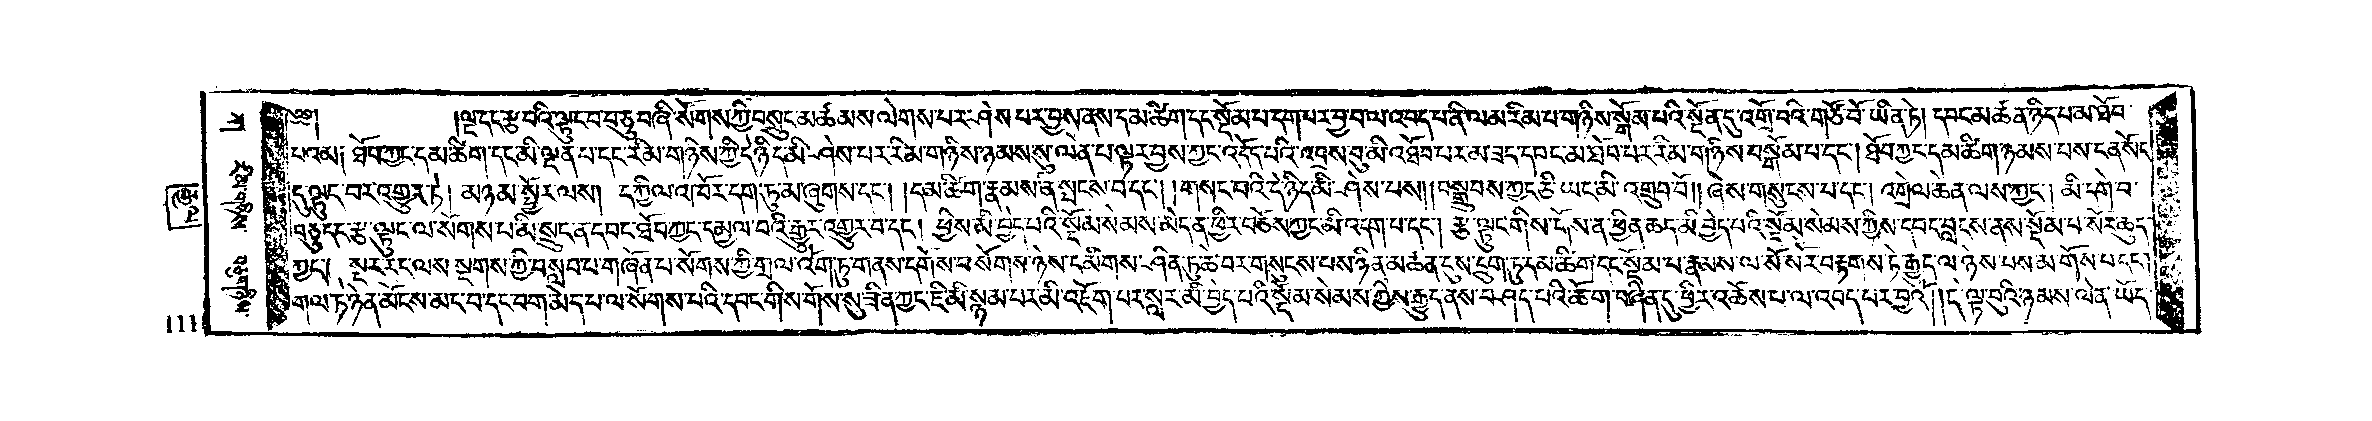༄༅། །ལྔ་དང་རྩ་བའི་ལྟུང་བ་བཅུ་བཞི་སོགས་ཀྱི་བསྲུང་མཚམས་ལེགས་པར་ཤེས་པར་བྱས་ནས་དམ་ཚིག་དང་སྡོམ་པ་དག་པར་བྱ་བ་ལ་འབད་པ་ནི་ལམ་རིམ་པ་གཉིས་སྒོམ་པའི་སྔོན་དུ་འགྲོ་བའི་གཙོ་བོ་ཡིན་ཏེ། དབང་མཚན་ཉིད་པ་མ་ཐོབ་
པའམ༑ ཐོབ་ཀྱང་དམ་ཚིག་དང་མི་ལྡན་པ་དང་རིམ་གཉིས་ཀྱི་དེ་ཉིད་མི་ཤེས་པར་རིམ་གཉིས་ཉམས་སུ་ལེན་པ་ལྟར་བྱས་ཀྱང་འདོད་པའི་འབྲས་བུ་མི་འཐོབ་པར་མ་ཟད་དབང་མ་ཐོབ་པར་རིམ་གཉིས་བསྒོམ་པ་དང་། ཐོབ་ཀྱང་དམ་ཚིག་ཉམས་པས་ངན་སོང་
དུ་ལྟུང་བར་འགྱུར་ཏེ། མཉམ་སྤྱོར?་ལས། དཀྱིལ་འཁོར་དག་ཏུ་མ་ཞུགས་དང་། །དམ་ཚིག་རྣམས་ནི་སྤངས་པ་དང་། །གསང་བའི་དེ་ཉིད་མི་ཤེས་པས། །བསྒྲུབས་ཀྱང་ཅི་ཡང་མི་འགྲུབ་བོ། །ཞེས་གསུངས་པ་དང་། འགྲེལ་ཆེན་ལས་ཀྱང་། མི་དགེ་བ་
བཅུ་དང་རྩ་ལྟུང་ལ་སོགས་པ་མི་སྲུང་ན་དབང་ཐོབ་ཀྱང་དམྱལ་བའི་རྒྱུར་འགྱུར་བ་དང་། ཕྱིས་མི་བྱེད་པའི་སྡོམ་སེམས་མེད་ན་ཕྱིར་བཅོས་ཀྱང་མི་འདག་པ་དང་། རྩ་ལྟུང་གིས་གོས་ན་ཕྱིན་ཆད་མི་བྱེད་པའི་སྡོམ་སེམས་ཀྱིས་དབང་བླངས་ནས་སྡོམ་པ་སོར་ཆུད་
ཀྱང་། སྔར་རང་ལས་སྔགས་ཀྱི་བསླབ་པ་གཞོན་པ་སོགས་ཀྱི་གྲལ་འོག་ཏུ་གནས་དགོས་པ་སོགས་ཉེས་དམིགས་ཤིན་ཏུ་ཆེ་བར་གསུངས་པས་ཉིན་མཚན་དུས་དྲུག་ཏུ་དམ་ཚིག་དང་སྡོམ་པ་རྣམས་ལ་སོ་སོར་བརྟགས་ཏེ་རྒྱུད་ལ་ཉེས་པས་མ་གོས་པ་དང་།
གལ་ཏེ་ཉེན་མོངས་མང་བ་དང་བག་མེད་པ་ལ་སོགས་པའི་དབང་གིས་གོས་སུ་ཟིན་ཀྱང་ཇི་མི་སྙམ་པར་མི་འཇོག་པར་སླར་མི་བྱེད་པའི་སྡོམ་སེམས་ཀྱིས་རྒྱུད་ནས་བཤད་པའི་ཆོ་ག་བཞིན་དུ་ཕྱིར་འཆོས་པ་ལ་འབད་པར་བྱའོ། །དེ་ལྟ་བུའི་ཉམས་ལེན་ཡོད་